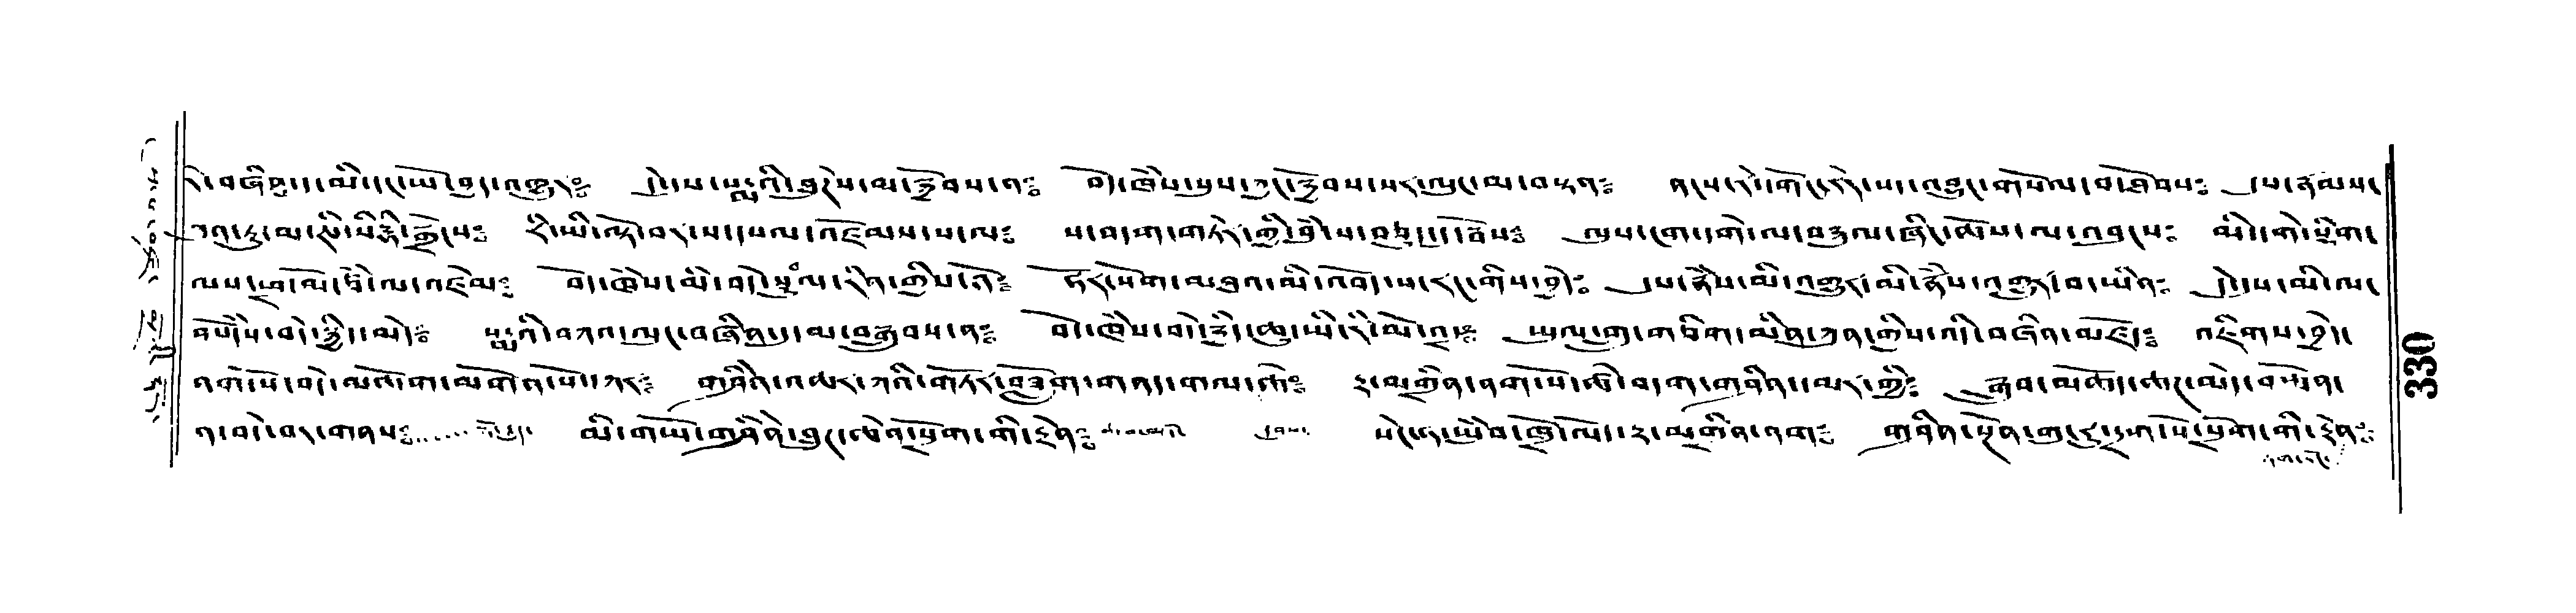རེ་བཞིན་དུ་མི་དང་ཡོ་བྱད་འགྱུར༔ དེ་དུས་པདྨའི་ཐུགས་རྗེས་མ་སྐྱོབས་ན༔ བོད་ཁམས་སུས་ཀྱང་སྐྱོབ་པར་ལུང་མ་བསྟན༔ ནངས་རེ་དགོང་རེར་པད་འབྱུང་གསོལ་བ་ཐོབས༔ དུས་རྣམས་
ཀུན་ཏུ་མ་ཎི་སིདྡྷི་སྒྲོངས༔ རི་ཡི་ལྟོ་བར་ས་དཔལ་འཛོམས་པ་ལ༔ ས་བདག་གཏེར་གྱི་བུམ་པ་བཅུད་དུ་སྦོས༔ ལུས་ངག་དགེ་ལ་བསྐུལ་ཞིང་ཆོས་ལ་འབུངས༔ མི་དགེ་སྡིག་
ལས་ཕྲ་མོ་ཙམ་ལ་འཛེམ༔ བོད་ཁམས་མི་བདེ་སྡུག་བསྔལ་རིན་གྱིས་ཉོ༔ ཧོར་སོག་མཐའ་མི་འབོད་པ་རང་གིས་བྱེད༔ དུས་རྣམས་མི་འགྱུར་མི་རྣམས་འགྱུར་བ་ཡིན༔ དེ་དུས་མི་ལ་
བསོད་ནམས་བདེ་སྐྱིད་མེད༔ པདྨའི་བཀའ་ལུང་བཞིན་དུ་མ་བསྒྲུབས་ན༔ བོད་ཁམས་བདེ་སྐྱིད་ཆུ་ཡི་རི་མོ་འདྲ༔ ཡུལ་གྲུ་གཅིག་མིན་ཀུན་གྱིས་འདི་བཞིན་མཛོད༔ འཇིགས་བྱེད་
ནག་པོ་བདེ་མཆོག་མགོན་པོ་དཀར༔ གཤིན་རྗེ་འཆར་ཀའི་གཏོར་བཟློག་གནད་གལ་ཆེ༔ རྟ་མགྲིན་ནག་པོ་ཚེ་བདག་གཤིན་དམར་གྱི༔ སྒྲུབ་མཆོད་ཆག་མེད་བརྩོན་
ན་བདེ་བར་གནས༔ མི་གཡོ་གཤིན་རྗེ་ཐུགས་ཆེན་སྲོག་གི་རྟེན༔ སེང་ཧ་ཡབ་ཡུམ་ཁྲོ་ལོད་རྟ་མགྲིན་ནག༔ གཤིན་སྔོན་གུ་རུ་དྲག་པོ་སྲོག་གི་རྟེན༔